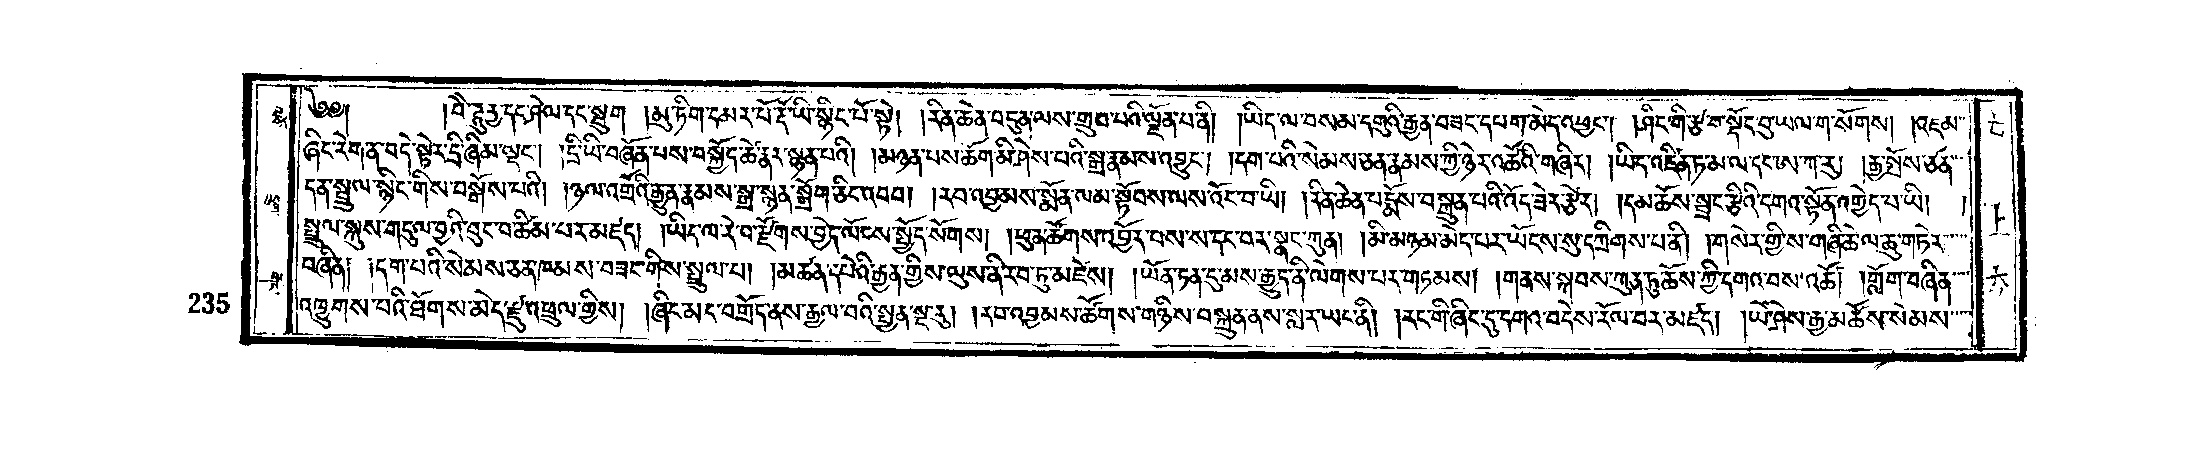༄༅། །བཻ་ཌཱུརྱ་དང་ཤེལ་དང་སྦུག །མུ་ཏིག་དམར་པོ་རྡོ་ཡི་སྙིང་པོ་སྟེ། །རིན་ཆེན་བདུན་ལས་གྲུབ་པའི་ལྗོན་པ་ནི། །ཡིད་ལ་བསམ་དགུའི་རྒྱན་བཟང་དཔག་མེད་འཕྱང་། །ཤིང་གི་རྩ་བ་སྡོང་བུ་ཡལ་ག་སོགས། །འཇམ་
ཞིང་རེག་ན་བདེ་སྟེར་དྲི་ཞིམ་ལྡང་། །དྲི་ཡི་བཞོན་པས་བསྐྱོད་ཚེ་རྣར་སྙན་པའི། །མཉམ་པས་ཆོག་མི་ཤེས་པའི་སྒྲ་རྣམས་འབྱུང་། །དག་པའི་སེམས་ཅན་རྣམས་ཀྱི་ཉེར་འཚོའི་གཞིར། །ཡིད་འཛིན་ཏ་མ་ལ་དང་ཨ་ཀ་རུ། །རྒྱ་སྤོས་ཙན་
དན་སྦྲུལ་སྙིང་གིས་བསྒོས་པའི། །ཉལ་འགྲོའི་རྒྱུན་རྣམས་སྒྲ་སྙན་སྒྲོག་ཅིང་འབབ། །རབ་འབྱམས་སྨོན་ལམ་སྟོབས་ལས་འོང་བ་ཡི། །རིན་ཆེན་པདམོས་བསྐྲུན་པའི་འོད་ཟེར་རྩེར། །དམ་ཆོས་སྦྲང་རྩིའི་དགའ་སྟོན་འགྱེད་པ་ཡི། །
སྤྲུལ་སྐུས་གདུལ་བྱའི་བུང་བ་ཚིམ་པར་མཛད། །ཡིད་ལ་རེ་བ་རྫོགས་བྱེད་ལོངས་སྤྱོད་སོགས། །ཕུན་ཚོགས་འབྱོར་བས་ས་དང་བར་སྣང་ཀུན། །མི་མཉམ་མེད་པར་ཡོངས་སུ་དཀྲིགས་པ་ནི། །གསེར་གྱི་ས་གཞི་ཆེ་ལ་ཆུ་གཏེར་
བཞིན། །དག་པའི་སེམས་ཅན་ཁམས་བཟང་གིས་སྤྲུལ་པ། །མཚན་དཔེའི་རྒྱན་གྱིས་ལུས་ནི་རབ་ཏུ་མཛེས། །ཡོན་ཏན་དུ་མས་རྒྱུད་ནི་ལེགས་པར་གཏམས། །གནས་སྐབས་ཀུན་ཏུ་ཆོས་ཀྱི་དགའ་བས་འཚོ། །གློག་བཞིན་
འཁྱུགས་པའི་ཐོགས་མེད་རྫུ་འཕྲུལ་གྱིས། །ཞིང་མང་བགྲོད་ནས་རྒྱལ་བའི་སྤྱན་སྔ་རུ། །རབ་འབྱམས་ཚོགས་གཉིས་བསྐྲུན་ནས་སླར་ཡང་ནི། །རང་གི་ཞིང་དུ་དགའ་བདེས་རོལ་བར་མཛད། །ཡེ་ཤེས་རྒྱ་མཚོས་སེམས་